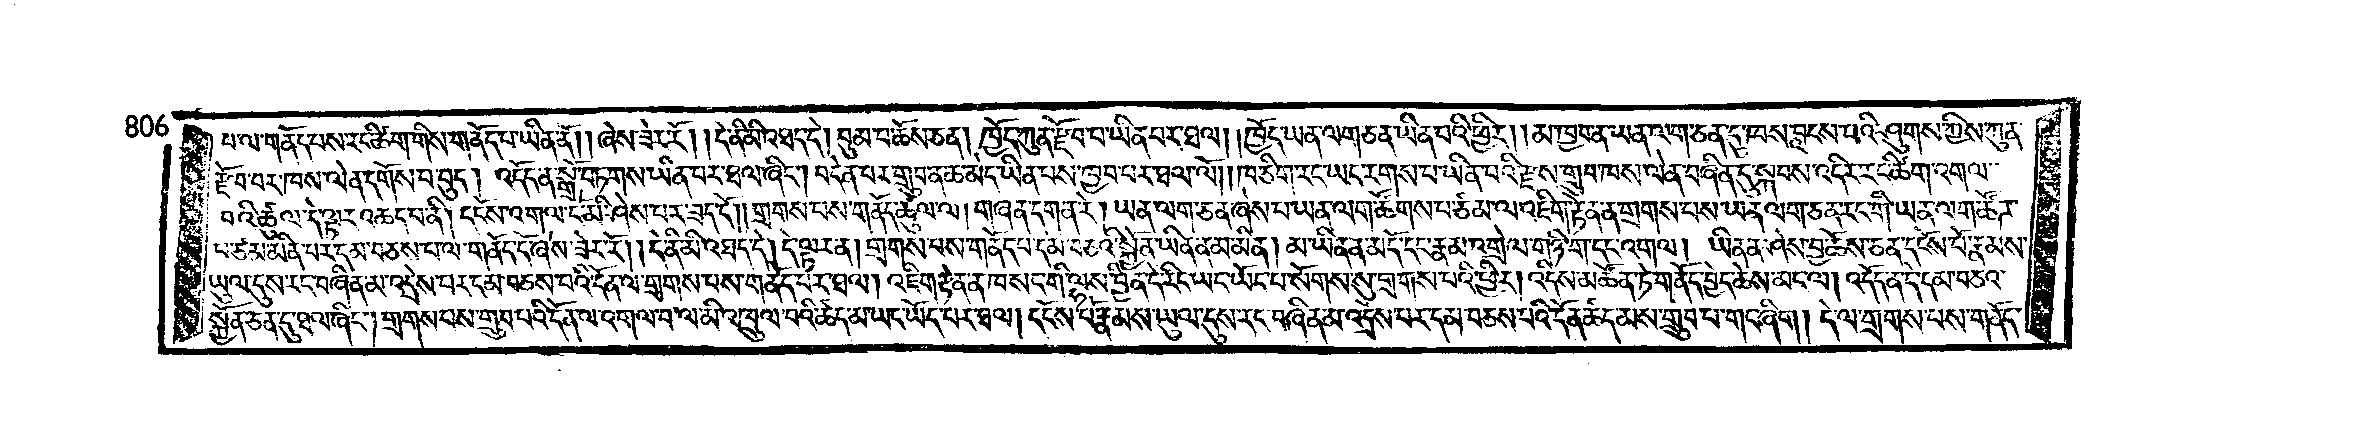པ་ལ་གནོད་པས་རང་ཚིག་གིས་གནོད་པ་ཡིན་ནོ། །ཞེས་ཟེར་རོ། །དེ་ནི་མི་འཐད་དེ། བུམ་པ་ཆོས་ཅན། ཁྱོད་ཀུན་རྫོབ་པ་ཡིན་པར་ཐལ། །ཁྱོད་ཡན་ལག་ཅན་ཡིན་པའི་ཕྱིར། །མ་ཁྱབ་ན་ཡན་ལག་ཅན་དུ་ཁས་བླངས་པའི་ཤུགས་ཀྱིས་ཀུན་
རྫོབ་པར་ཁས་ལེན་དགོས་པ་བུད། འདོད་ན་སྒྲོ་བཏགས་ཡིན་པར་ཐལ་ཞིང་། བདེན་པར་གྲུབ་ན་ཆ་མེད་ཡིན་པས་ཁྱབ་པར་ཐལ་ལོ། །ཁ་ཅིག་རང་ཡང་རགས་པ་ཡིན་པའི་རྫས་གྲུབ་ཁས་ལེན་བཞིན་དུ་སྐབས་འདིར་རང་ཚིག་འགལ་
བའི་ཚུལ་དེ་ལྟར་འཆད་པ་ནི། དངོས་འགལ་ངོ་མི་ཤེས་པར་ཟད་དོ། །གྲགས་པས་གནོད་ཚུལ་ལ། གཞན་དག་ན་རེ། ཡན་ལག་ཅན་ཞེས་པ་ཡན་ལག་ཚོགས་པ་ཙམ་ལ་འཇིག་རྟེན་ན་གྲགས་པས་ཡན་ལག་ཅན་རང་གི་ཡན་ལག་ཚོགས་
པ་ཙམ་མིན་པར་དམ་བཅས་པ་ལ་གནོད་དོ་ཞེས་ཟེར་རོ། །དེ་ནི་མི་འཐད་དེ། དེ་ལྟར་ན། གྲགས་པས་གནོད་པ་དམ་བཅའི་སྐྱོན་ཡིན་ནམ་མིན། མ་ཡིན་ན་མདོ་དང་རྣམ་འགྲེལ་གཉི་ག་དང་འགལ། ཡིན་ན་ཤེས་བྱ་ཆོས་ཅན་དངོས་པོ་རྣམས་
ཡུལ་དུས་རང་བཞིན་མ་འདྲེས་པར་དམ་བཅས་པའི་དོན་ལ་གྲགས་པས་གནོད་པར་ཐལ། འཇིག་རྟེན་ན་ཁ་སང་གི་ལྷས་བྱིན་དེ་རིང་ཡང་ཡོད་པ་སོགས་སུ་གྲགས་པའི་ཕྱིར། འདིས་མཚོན་ཏེ་གནོད་བྱེད་ཆེས་མང་ལ། འདོད་ན་དེ་དམ་བཅའ་
སྐྱོན་ཅན་དུ་ཐལ་ཞིང་། གྲགས་པས་གྲུབ་པའི་དོན་ལ་འགལ་བ་ལ་མི་འཁྲུལ་བའི་ཚད་མ་ཡང་ཡོད་པར་ཐལ། དངོས་པོ་རྣམས་ཡུལ་དུས་རང་བཞིན་མ་འདྲེས་པར་དམ་བཅས་པའི་དོན་ཚད་མས་གྲུབ་པ་གང་ཞིག །དེ་ལ་གྲགས་པས་གནོད་